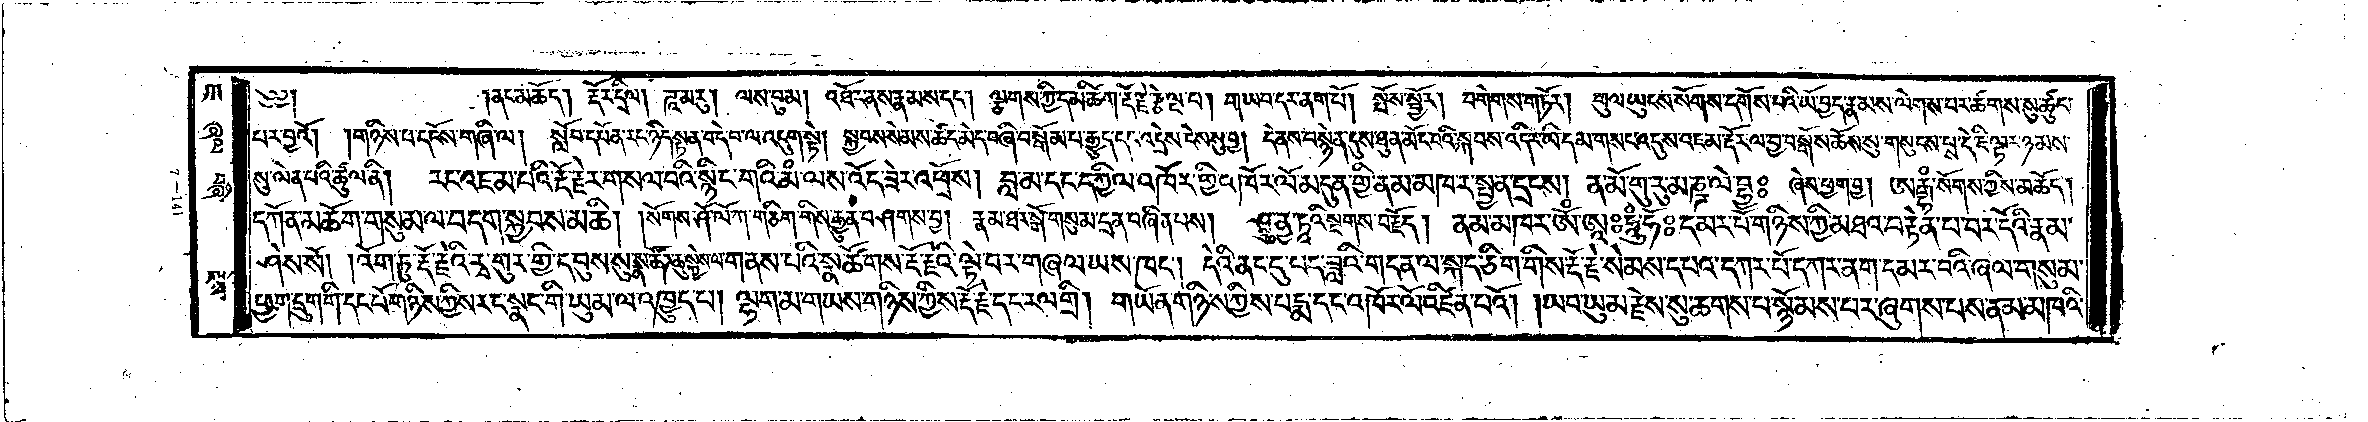༄༅། །ནང་མཆོད། རྡོར་དྲིལ། ཌཱ་མ་རུ། ལས་བུམ། འཐོང་ནས?་རྣམས་དང་། ལྕགས་ཀྱི་དམ་ཚིག་རྡོ་རྗེ་རྩེ་ལྔ་པ། གཡབ་དར་ནག་པོ། སྤོས་སྦྱོར། བགེགས་གཏོར། གུལ་ཡུངས་སོགས་དགོས་པའི་ཡོ་བྱད་རྣམས་ལེགས་པར་ཚགས་སུ་ཚུད་
པར་བྱའོ། །གཉིས་པ་དངོས་གཞི་ལ། སློབ་དཔོན་རང་ཉིད་སྟན་བདེ་བ་ལ་འདུག་སྟེ། སྐྱབས་སེམས་ཚད་མེད་བཞི་བསྒོམ་པ་རྒྱུད་དང་འདྲེས་ངེས་སུ་བྱ། དེ་ནས་བསྙེན་དུས་ཐུན་མོང་བའི་སྐབས་འདིར་ཡི་དམ་གསང་འདུས་འཇམ་རྡོར་ལ་བྱང་སྒོས་ཆོས་སུ་གསུངས་པས་དེ་ཇི་ལྟར་ཉམས་
སུ་ལེན་པའི་ཚུལ་ནི། རང་འཇམ་པའི་རྡོ་རྗེར་གསལ་བའི་སྙིང་གའི་མཾ་ལས་འོད་ཟེར་འབྲོས། བླ་མ་དང་དཀྱིལ་འཁོར་གྱི་འཁོར་ལོ་མདུན་གྱི་ནམ་མཁར་སྤྱན་དྲངས། ན་མོ་གུ་རུ་མཎྜལ་ལེ་བྷྱཿ ཞེས་ཕྱག་བྱ།  ཨ་རྒྷཾ་སོགས་ཀྱིས་མཆོད།
དཀོན་མཆོག་གསུམ་ལ་བདག་སྐྱབས་མཆི། །སོགས་ཤོ་ལོ་ཀ་གཅིག་གིས་རྒྱུན་བཤགས་བྱ། རྣམ་ཐར་སྒོ་གསུམ་དྲན་བཞིན་པས།  ཤཱུ་ནྱ་ཏཱའི་སྔགས་བརྗོད། ནམ་མཁར་ཨོཾ་ཨཱཿཧཱུཾ་ཧོཿདམར་པོ་གཉིས་ཀྱི་མཐའ་བརྟེན་པ་བར་དོའི་རྣམ་
ཤེས་སོ། །འོག་ཏུ་རྡོ་རྗེའི་རྭ་གུར་གྱི་དབུས་སུ་སྣ་ཚོ་ཐུ་སྐྱེས་ལ་གནས་པའི་སྣ་ཚོགས་རྡོ་རྗེའི་ལྟེ་བར་གཞལ་ཡས་ཁང་། དེའི་ནང་དུ་པད་ཟླའི་གདན་ལ་སྐད་ཅིག་གིས་རྡོ་རྗེ་སེམས་དཔའ་དཀར་པོ་དཀར་ནག་དམར་བའི་ཞལ་གསུམ་
ཕྱག་དྲུག་གི་དང་པོ་གཉིས་ཀྱིས་རང་སྣང་གི་ཡུམ་ལ་འཁྱུད་པ། ལྷག་མ་གཡས་གཉིས་ཀྱིས་རྡོ་རྗེ་དང་རལ་གྲི། གཡོན་གཉིས་ཀྱིས་པདམ་དང་འཁོར་ལོ་འཛིན་པའོ། །ཡབ་ཡུམ་རྗེས་སུ་ཆགས་པ་སྙོམས་པར་ཞུགས་པས་ནམ་མཁའི་